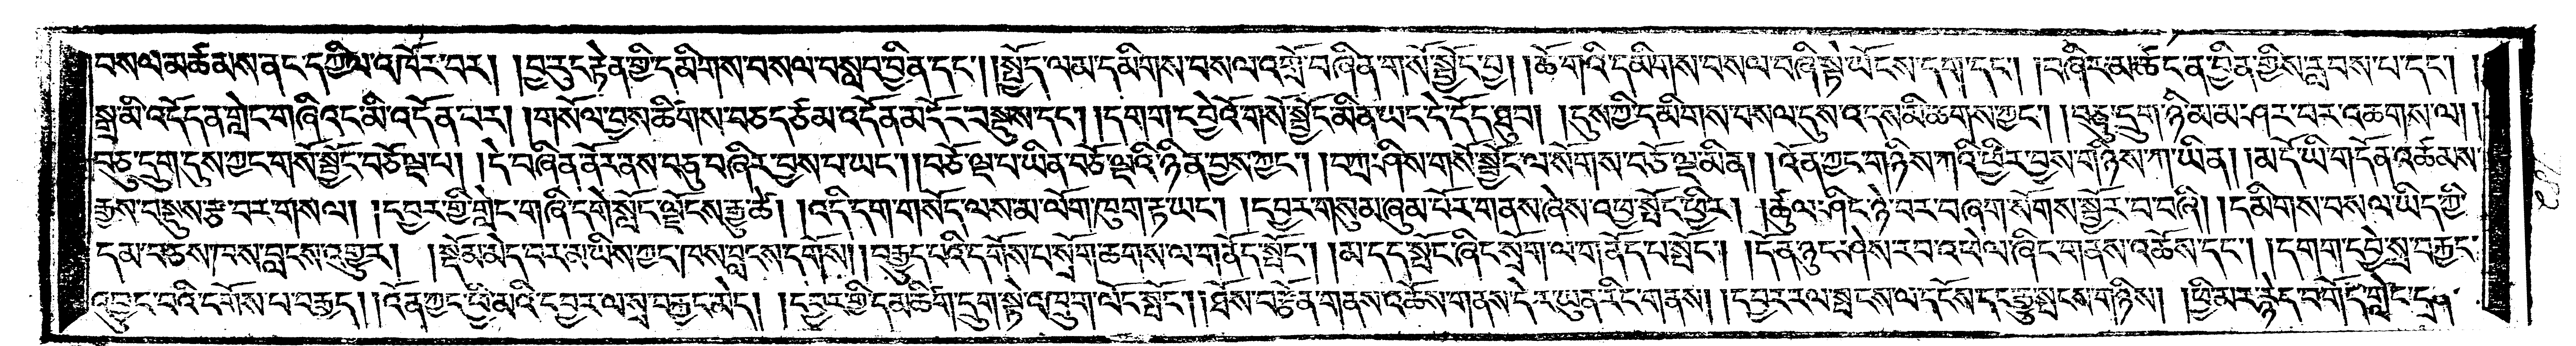བསལ་མཚམས་ནང་དཀྱིལ་འཁོར་བར། །བྱ་རུང་རྟེན་གྱི་དམིགས་བསལ་བསླབ་བྱིན་དང་། །སྤྱོད་ལམ་དམིགས་བསལ་འགྲོ་བཞིན་གསོ་སྦྱོང་བྱ། །ཆོ་གའི་དམིགས་བསལ་བཞི་སྟེ་ཡོངས་དག་དང་། །བཞིར་མ་ཚང་ན་བྱིན་གྱིས་རླབས་པ་དང་། །
སྒྲ་མི་འདོད་ན་གླེང་གཞིའང་མི་འདོན་པར། །གསོལ་བྱས་ཚིགས་བཅད་ཙམ་འདོན་མདོར་བསྡུས་དང་། །དགག་དབྱེའོ་གསོ་སྦྱོང་མིན་ཡང་དེ་དོད་ཐུབ། །དུས་ཀྱི་དམིགས་བསལ་དུས་འདས་མི་ཆགས་ཀྱང་། །བཅུ་དྲུག་ཉི་མ་མ་ཤར་བར་འཆགས་ལ། །
བཅུ་དྲུག་དུས་ཀྱང་གསོ་སྦྱོང་བཅོ་ལྔ་པ། །དེ་བཞིན་ནོར་ནས་བཅུ་བཞིར་བྱས་པ་ཡང་། །བཅོ་ལྔ་པ་ཡིན་བཅོ་ལྔའི་ཉིན་བྱས་ཀྱང་། །བཀྲ་ཤིས་གསོ་སྦྱོང་ལ་སོགས་བཅོ་ལྔ་མིན། །འོན་ཀྱང་གཉིས་ཀའི་ཕྱིར་བྱས་གཉིས་ཀ་ཡིན། །མདོ་ཡི་གདོན་འཚམས་
རྒྱས་བསྡུས་རྩ་བར་གསལ། །དབྱར་གྱི་གླེང་གཞི་དགེ་སློང་ལྗོངས་རྒྱུ་ཚེ། །འདི་དག་གསོད་ལས་མ་ལོག་ཁུག་རྟ་ཡང་། །དབྱར་གསུམ་ཞུམ་པོར་གནས་ཞེས་འཕྱ་སྤོང་ཕྱིར། །ཚུལ་ཤིང་ཉེ་བར་བཞག་སོགས་སྦྱོར་བ་བཞི། །དམིགས་བསལ་ཡིད་ཀྱི་
དམ་བཅས་ཁས་བླངས་འགྱུར། །སྡོམ་མེད་བར་མ་ཡིས་ཀྱང་ཁས་བླངས་དགོས། །བརྒྱུད་པའི་དགོས་པ་སྲོག་ཆགས་ལ་གནོད་སྤོང་། །མ་དད་སྤོང་ཞིང་སྲོག་ལ་གནོད་པ་སྤོང་། །དོན་ཉུང་ཤེས་རབ་འཕེལ་ཞིང་གནས་འཆོས་དང་། །དགག་དབྱེ་སྲ་བརྐྱང་
འབྱུང་བའི་དགོས་པ་བརྒྱད། །འོན་ཀྱང་ཕྱི་མའི་དབྱར་ལ་སྲ་བརྐྱང་མེད། །དབྱར་གྱི་དམ་ཚིག་དྲུག་སྟེ་འཁྲུག་ལོང་སྤོང་། །ཐོས་བརྩོན་གནས་འཆོས་གནས་དེར་ཡུན་རིང་གནས། །དབྱར་རལ་སྤངས་ལ་དངོས་དང་རྒྱུ་སྤངས་གཉིས། །ཕྱི་མར་རྙེད་བགོད་གླེང་དྲན་